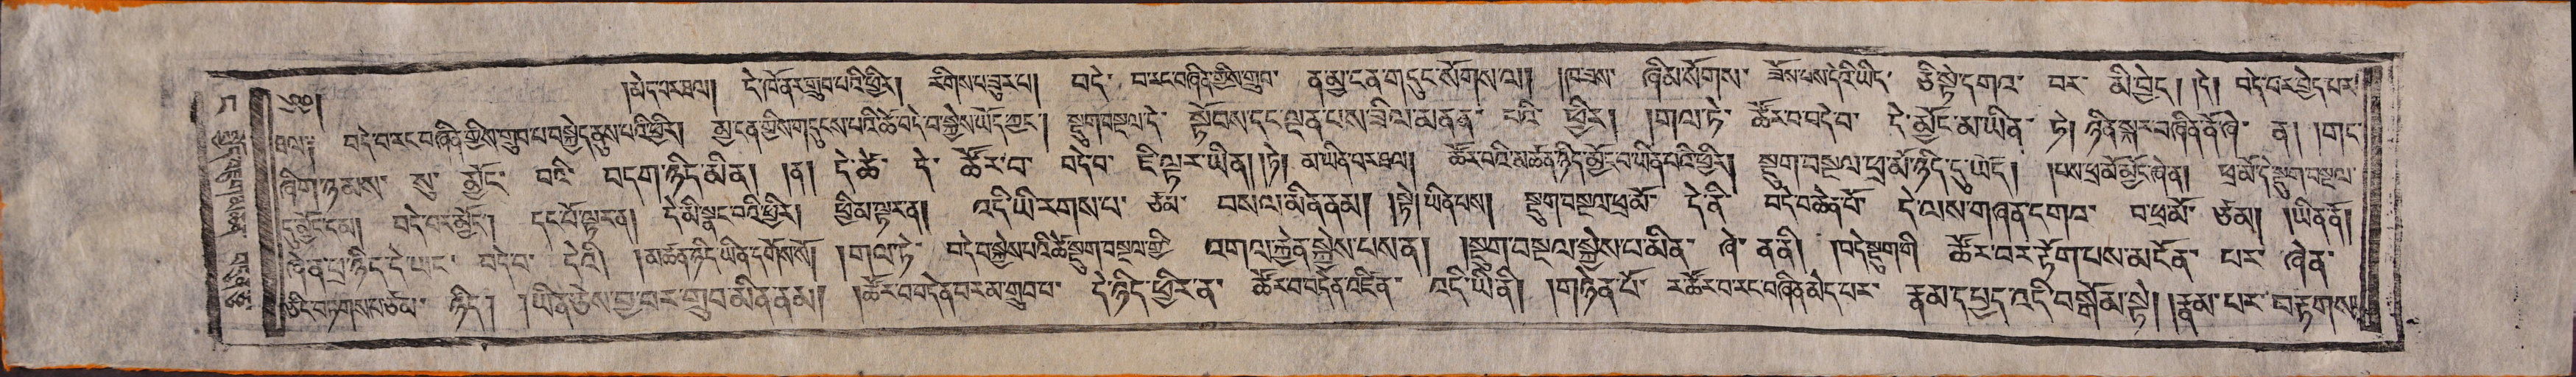༄༅། །མེད་པར་ཐལ། དེ་ཁོ་ནར་གྲུབ་པའི་ཕྱིར། རིགས་པ་ཟུར་བ། བདེ་རང་བཞིན་གྱིས་གྲུབ་ན་མྱ་ངན་གདུང་སོགས་ལ། །ཁ་ཟས་ཞིམ་སོགས་ཟོས་པས་དེའི་ཡིད་ཅི་སྟེ་དགའ་བར་མི་བྱེད། །དེ། བདེ་བར་བྱེད་པར་
ཐལ༑ བདེ་བ་རང་བཞིན་གྱིས་གྲུབ་པ་བསྐྱེད་ནུས་པའི་ཕྱིར། མྱ་ངན་གྱིས་གདུངས་པའི་ཚེ་བདེ་བ་སྐྱེས་ཡོད་ཀྱང་། སྡུག་བསྔལ་དེ་སྟོབས་དང་ལྡན་པས་ཟིལ་མནན་པའི་ཕྱིར། །གལ་ཏེ་ཚོར་བ་བདེ་བ་དེ་མྱོང་མ་ཡིན་ཏེ། ཉིན་སྐར་བཞིན་ནོ་ཞེ་ན། །གང་
ཞིག་ཉམས་སུ་མྱོང་བའི་བདག་ཉིད་མིན། །ན། དེ་ཚེ་དེ་ཚོར་བ་བདེ་བ་ཇི་ལྟར་ཡིན། །ཏེ། མ་ཡིན་པར་ཐལ། ཚོར་བའི་མཚན་ཉིད་མྱོང་བ་ཡིན་པའི་ཕྱིར། སྡུག་བསྔལ་ཕྲ་མོ་ཉིད་དུ་ཡོད། །བས་ཕྲ་མོ་མྱོང་ཞེ་ན། ཕྲ་མོ་དེ་སྡུག་བསྔལ་
དུ་མྱོང་ངམ། བདེ་བར་མྱོང་། དང་པོ་ལྟར་ན། དེ་མི་སྣང་བའི་ཕྱིར། ཕྱི་མ་ལྟར་ན། འདི་ཡི་རགས་པ་ཅམ་བསལ་མིན་ནམ། །སྟེ། ཡིན་པས། སྡུག་བསྔལ་ཕྲ་མོ་དེ་ནི་བདེ་བ་ཆེན་པོ་དེ་ལས་གཞན་དགའ་འཕྲ་མོ་ཙམ། །ཡིན་ནོ།
ཞེ་ན་ཕྲ་ཉིད་དེ་ཡང་བདེ་བ་དེའི། །མཚན་ཉིད་ཡིན་དགོས་སོ། །གལ་ཏེ་བདེ་བ་སྐྱེས་པའི་ཚེ་སྡུག་བསྔལ་གྱི་འགལ་རྐྱེན་སྐྱེས་པས་ན། །སྡུག་བསྔལ་སྐྱེས་པ་མིན་ཞེ་ན་ནི། །བདེ་སྡུག་གི་ཚོར་བར་རྟོག་པས་མངོན་པར་ཞེ་ན་
ཅིང་བཏགས་པ་ཙམ་ཉིད། །ཡིན་ཅེས་བྱ་བར་གྲུབ་མིན་ནམ། །ཚོར་བ་བདེན་པར་མ་གྲུབ་པ་དེ་ཉིད་ཕྱིར་ན། ཚོར་བ་བདེན་འཛིན་འདི་ཡི་ནི། །གཉེན་པོར་ཚོ་ར་རང་བཞིན་མེད་པར་རྣམ་དཔྱད་འདི་བསྒོམ་སྟེ། །རྣམ་པར་བརྟགས་